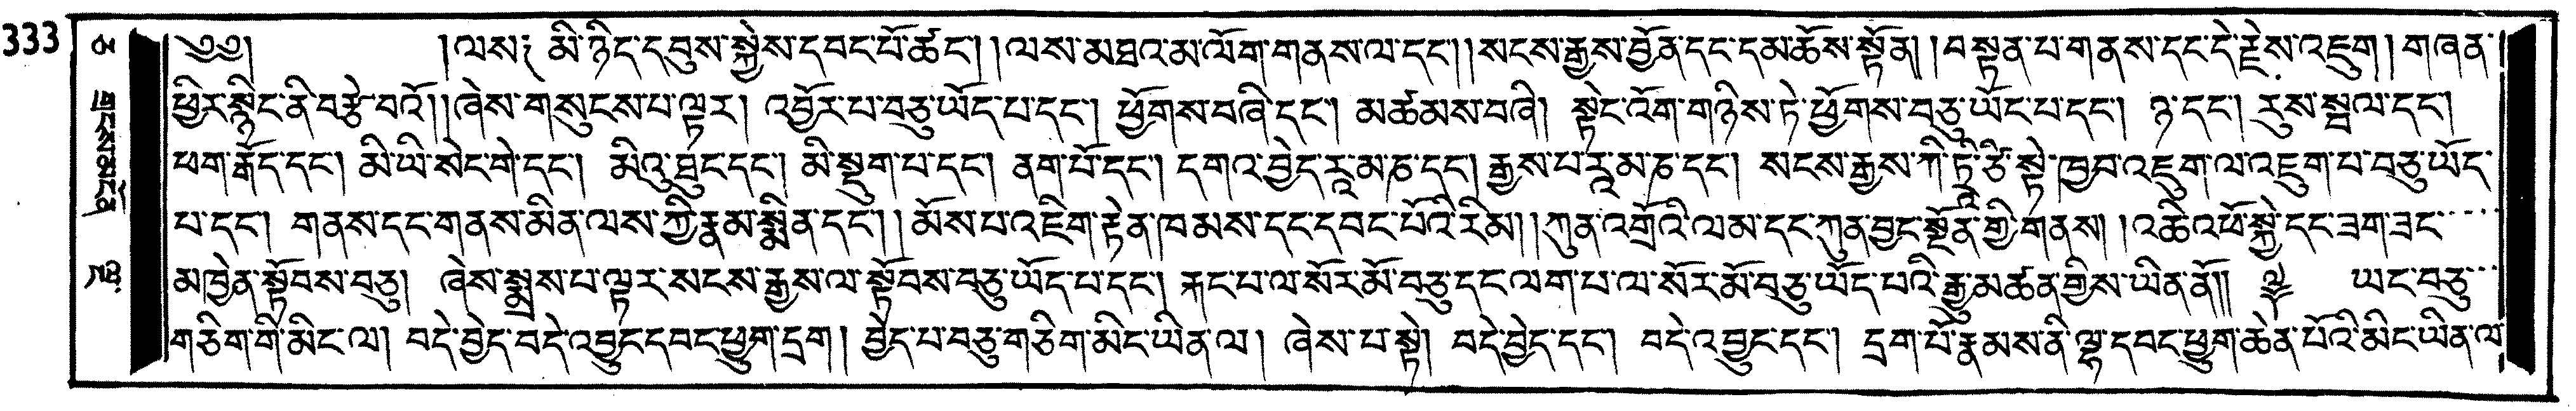༄༅། །ལས༑ མི་ཉིད་དབུས་སྐྱེས་དབང་པོ་ཚང་། །ལས་མཐའ་མ་ལོག་གནས་ལ་དང་། །སངས་རྒྱས་བྱོན་དང་དམ་ཆོས་སྟོན། །བསྟན་པ་གནས་དང་དེ་རྗེས་འཇུག །གཞན་
ཕྱིར་སྙིང་ནི་བརྩེ་བའོ། །ཞེས་གསུངས་པ་ལྟར། འབྱོར་པ་བཅུ་ཡོད་པ་དང་། ཕྱོགས་བཞི་དང་། མཚམས་བཞི། སྟེང་འོག་གཉིས་ཏེ་ཕྱོགས་བཅུ་ཡོང་པ་དང་། ཉ་དང་། རུས་སྦལ་དང་།
ཕག་རྒོད་དང་། མི་ཡི་སེང་གེ་དང་། མིའུ་ཐུང་དང་། མི་སྡུག་པ་དང་། ནག་པོ་དང་། དགའ་བྱེད་རཱ་མ་ཎ་དང་། རྒྱས་པ་རཱ་མ་ཎ་དང་། སངས་རྒྱས་ཀི་ཏྲཱི་ཙི་སྟེ་ཁྱབ་འཇུག་ལ་འཇུག་པ་བཅུ་ཡོད་
པ་དང་། གནས་དང་གནས་མིན་ལས་ཀྱི་རྣམ་སྨིན་དང་། །མོས་པ་འཇིག་རྟེན་ཁམས་དང་དབང་པོའི་རིམ། །ཀུན་འགྲོའི་ལམ་དང་ཀུན་བྱང་སྔོན་གྱི་གནས། །འཆི་འཕོ་སྐྱེ་དང་། ཟག་ཟང་
མཁྱེན་སྟོབས་བཅུ། ཞེས་སྨྲས་པ་ལྟར་སངས་རྒྱས་ལ་སྟོབས་བཅུ་ཡོད་པ་དང་། རྐང་པ་ལ་སོར་མོ་བཅུ་དང་ལག་པ་ལ་སོར་མོ་བཅུ་ཡོད་པའི་རྒྱུ་མཚན་གྱིས་ཡིན་ནོ།། འ་ཡང་བཅུ་
གཅིག་གི་མིང་ལ། བདེ་བྱེད་བདེ་འབྱུང་དབང་ཕྱུག་དྲག །བྱེད་པ་བཅུ་གཅིག་མིང་ཡིན་ལ། ཞེས་པ་སྟེ། བདེ་བྱེད་དང་། བདེ་འབྱུང་དང་། དྲག་པོ་རྣམས་ནི་ལྷ་དབང་ཕྱུག་ཆེན་པོའི་མིང་ཡིན་ལ་